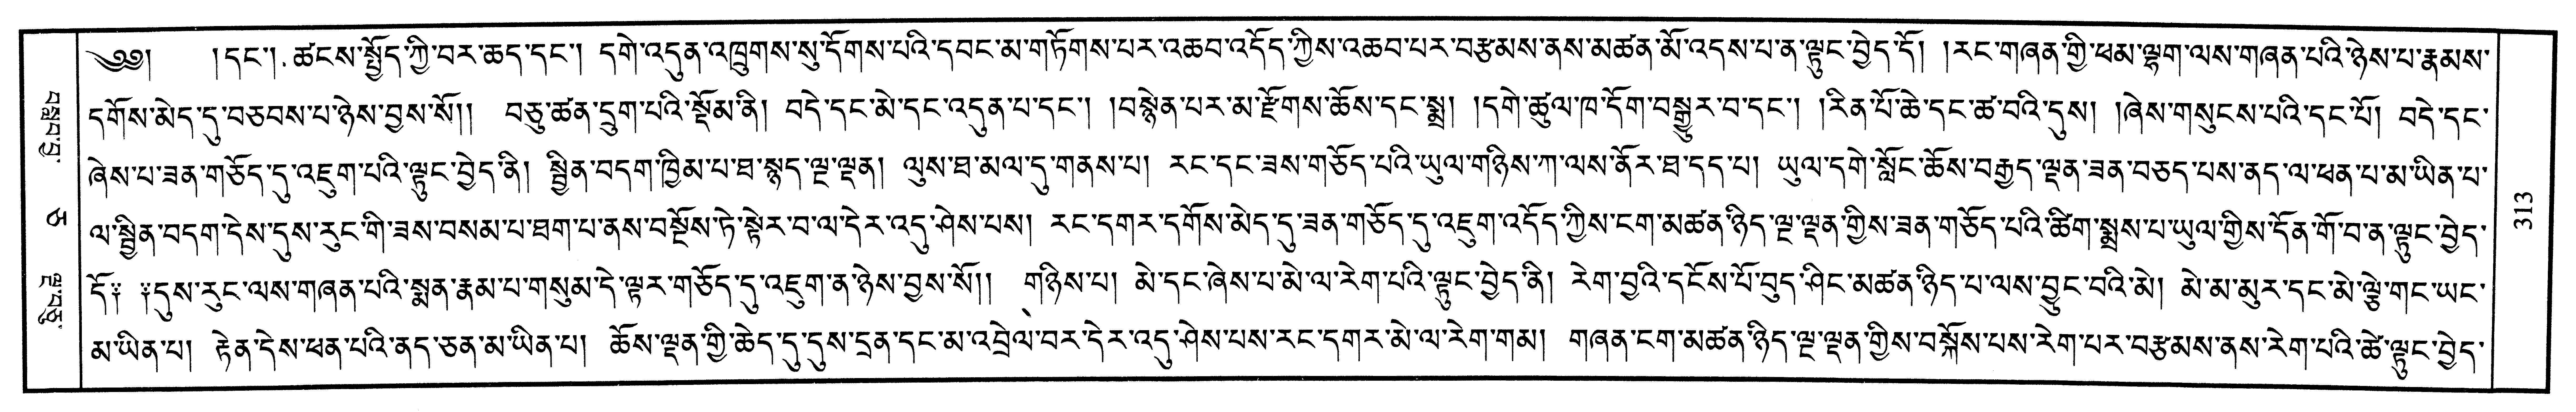༄༅། །དང་། ཚངས་སྤྱོད་ཀྱི་བར་ཆད་དང་། དགེ་འདུན་འཁྲུགས་སུ་དོགས་པའི་དབང་མ་གཏོགས་པར་འཆབ་འདོད་ཀྱིས་འཆབ་པར་བརྩམས་ནས་མཚན་མོ་འདས་པ་ན་ལྟུང་བྱེད་དོ། །རང་གཞན་གྱི་ཕམ་ལྷག་ལས་གཞན་པའི་ཉེས་པ་རྣམས་
དགོས་མེད་དུ་བཅབས་པ་ཉེས་བྱས་སོ།། བཅུ་ཚན་དྲུག་པའི་སྡོམ་ནི། བདེ་དང་མེ་དང་འདུན་པ་དང་། །བསྙེན་པར་མ་རྫོགས་ཆོས་དང་སྨྲ། །དགེ་ཚུལ་ཁ་དོག་བསྒྱུར་བ་དང་། །རིན་པོ་ཆེ་དང་ཚ་བའི་དུས། །ཞེས་གསུངས་པའི་དང་པོ། བདེ་དང་
ཞེས་པ་ཟན་གཅོད་དུ་འཇུག་པའི་ལྟུང་བྱེད་ནི། སྦྱིན་བདག་ཁྱིམ་པ་ཐ་སྙད་ལྔ་ལྡན། ལུས་ཐ་མལ་དུ་གནས་པ། རང་དང་ཟས་གཅོད་པའི་ཡུལ་གཉིས་ཀ་ལས་ནོར་ཐ་དད་པ། ཡུལ་དགེ་སློང་ཆོས་བརྒྱད་ལྡན་ཟན་བཅད་པས་ནད་ལ་ཕན་པ་མ་ཡིན་པ་
ལ་སྦྱིན་བདག་དེས་དུས་རུང་གི་ཟས་བསམ་པ་ཐག་པ་ནས་བསྔོས་ཏེ་སྟེར་བ་ལ་དེར་འདུ་ཤེས་པས། རང་དགར་དགོས་མེད་དུ་ཟན་གཅོད་དུ་འཇུག་འདོད་ཀྱིས་ངག་མཚན་ཉིད་ལྔ་ལྡན་གྱིས་ཟན་གཅོད་པའི་ཚིག་སྨྲས་པ་ཡུལ་གྱིས་དོན་གོ་བ་ན་ལྟུང་བྱེད་
དོ༑ ༑དུས་རུང་ལས་གཞན་པའི་སྨན་རྣམ་པ་གསུམ་དེ་ལྟར་གཅོད་དུ་འཇུག་ན་ཉེས་བྱས་སོ།། གཉིས་པ། མེ་དང་ཞེས་པ་མེ་ལ་རེག་པའི་ལྟུང་བྱེད་ནི། རེག་བྱའི་དངོས་པོ་བུད་ཤིང་མཚན་ཉིད་པ་ལས་བྱུང་བའི་མེ། མེ་མ་མུར་དང་མེ་ལྕེ་གང་ཡང་
མ་ཡིན་པ། རྟེན་དེས་ཕན་པའི་ནད་ཅན་མ་ཡིན་པ། ཆོས་ལྡན་གྱི་ཆེད་དུ་དུས་དྲན་དང་མ་འབྲེལ་བར་དེར་འདུ་ཤེས་པས་རང་དགར་མེ་ལ་རེག་གམ། གཞན་ངག་མཚན་ཉིད་ལྔ་ལྡན་གྱིས་བསྐོས་པས་རེག་པར་བརྩམས་ནས་རེག་པའི་ཚེ་ལྟུང་བྱེད་